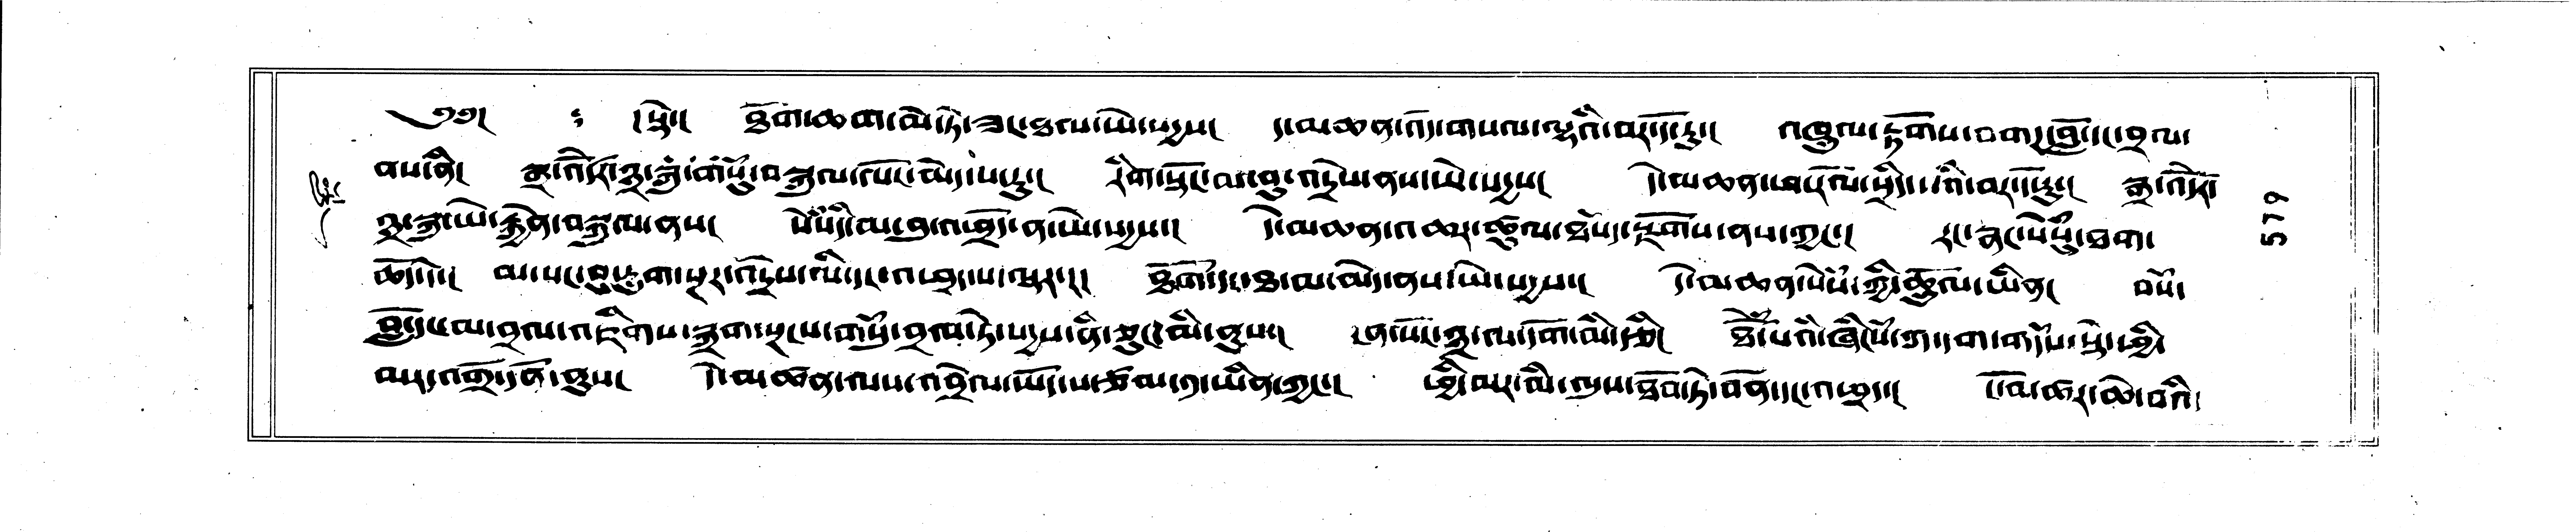སྟེ། ཐོག་ཆགས་མེད་དེ་ཟང་ཐལ་ཡེ་སངས་རྒྱས། དེ་མཆན་འོད་གསལ་ལྷའི་བར་དོ་རུ། འཁྲུལ་རྟོག་བག་ཆགས་བློ་དང་
བྲལ་ནས་ནི། སྒྲ་འོད་ཟེར་གསུམ་བསྐུལ་ལོང་མེད་པ་རུ། རིག་སྟོང་མ་བུ་འདྲེས་ནས་ཡེ་སངས་རྒྱས། དེ་མཆན་ཕ་རོལ་སྲིད་པའི་བར་དོ་རུ། སྒྲ་འོད་
ཟེར་གསུམ་སྐུ་ཡི་རྐྱེན་བསྐུལ་ནས། སེམས་ཉིད་མ་བུ་འཕྲོད་ནས་ཡེ་སངས་རྒྱས། དེ་མཆན་འཆར་ཚུལ་ཐམས་ཅད་རྫོགས་ནས་ཀྱང་། རང་སྣང་སེམས་སུ་ཐག་
ཆོད་དེ། མ་པང་བུ་རྒྱུག་སྔར་འདྲིས་མི་དང་འཕྲད་པ་ལྟར། ཐོག་དང་ཐ་མ་མེད་ནས་ཡེ་སངས་རྒྱས། དེ་མཆན་སེམས་ཀྱིས་ཆོ་འཕྲུལ་ཡིན། བསམ་
བློ་དང་མ་བྲལ་འཇིགས་སྐྲག་སྔངས་གསུམ་བྲལ་ཏེ། སངས་རྒྱས་ནི་ཅུང་མི་ནུབ་༼ནུས༽། ངན་སོང་གསུམ་ལ་དོག་མི་རྩི། ཐེ་ཙོམ་༼ཚོམ༽མེད་པའི་ཞིང་ཁམས་ཀ་དག་གདམ་ཏེ་ཕྱི་
མར་འགྲོ་དོན་ནུས། དེ་མཆན་ལས་འབྲེལ་ཡོད་པ་ཙམ་ཅིག་ཡིན་ཀྱང་། ཕྱི་མར་མི་ལུས་ཐོབ་སྟེ་བོན་དང་འཕྲད། ངོ་མཚར་ཆེ་བའི་